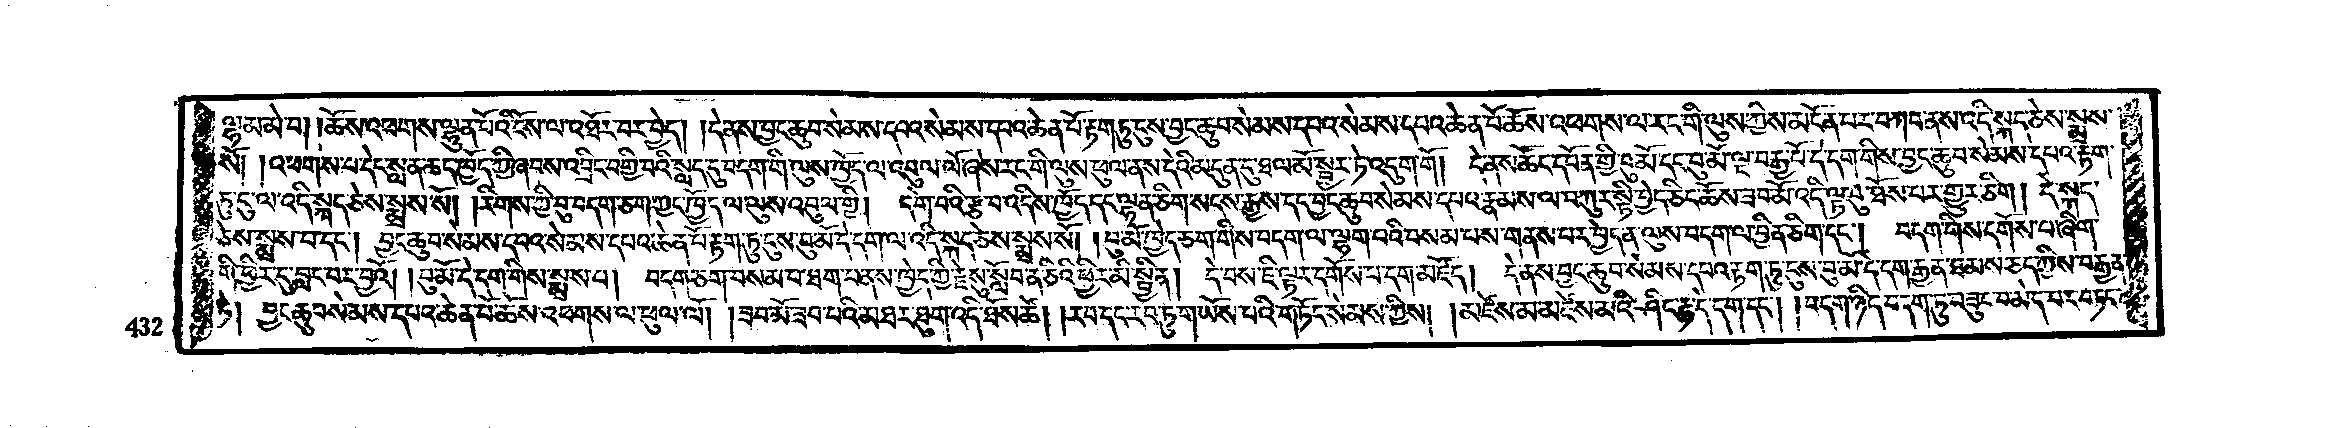ལྷམ་མེ་བ། །ཆོས་འཕགས་ལྷུན་པོའི་ངོས་ལ་འཐོར་བར་བྱེད། །དེ་ནས་བྱང་ཆུབ་སེམས་དཔའ་སེམས་དཔའ་ཆེན་པོ་རྟག་ཏུ་ངུས་བྱང་ཆུབ་སེམས་དཔའ་སེམས་དཔའ་ཆེན་པོ་ཆོས་འཕགས་ལ་རང་གི་ལུས་ཀྱིས་མངོན་པར་བཀབ་ནས་འདི་སྐད་ཅེས་སྨྲས་
སོ། །འཕགས་པ་དེང་སླན་ཆད་ཁྱོད་ཀྱི་ཞབས་འབྲིང་བགྱི་བའི་སླད་དུ་བདག་གི་ལུས་ཁྱོད་ལ་འབུལ་ལོ་ཞེས་རང་གི་ལུས་ཕུལ་ནས་དེའི་མདུན་དུ་ཐལ་མོ་སྦྱར་ཏེ་འདུག་གོ །དེ་ནས་ཚོང་དཔོན་གྱི་བུ་མོ་དང་བུ་མོ་ལྔ་བརྒྱ་པོ་དེ་དག་གིས་བྱང་ཆུབ་སེམས་དཔའ་རྟག་
ཏུ་ངུ་ལ་འདི་སྐད་ཅེས་སྨྲས་སོ། །རིགས་ཀྱི་བུ་བདག་ཅག་ཀྱང་ཁྱོད་ལ་ལུས་འབུལ་གྱི། དགེ་བའི་རྩ་བ་འདིས་ཁྱོད་དང་ལྷན་ཅིག་སངས་རྒྱས་དང་བྱང་ཆུབ་སེམས་དཔའ་རྣམས་ལ་བཀུར་སྟི་བྱེད་ཅིང་ཆོས་ཟབ་མོ་འདི་ལྟ་བུ་ཐོས་པར་གྱུར་ཅིག །དེ་སྐད་
ཅེས་སྨྲས་པ་དང་། བྱང་ཆུབ་སེམས་དཔའ་སེམས་དཔའ་ཆེན་པོ་རྟག་ཏུ་ངུས་བུ་མོ་དེ་དག་ལ་འདི་སྐད་ཅེས་སྨྲས་སོ། །བུ་མོ་ཁྱེད་ཅག་གིས་བདག་ལ་ལྷག་པའི་བསམ་པས་གནས་པར་བྱེད་ན་ལུས་བདག་ལ་བྱིན་ཅིག་དང་། བདག་གིས་དགོས་པ་ཞིག་
གི་ཕྱིར་དུ་བླང་བར་བྱའོ། །བུ་མོ་དེ་དག་གིས་སྨྲས་པ། བདག་ཅག་བསམ་པ་ཐག་པ་ནས་ཁྱེད་ཀྱི་རྗེས་སུ་སློབ་ན་ཅིའི་ཕྱིར་མི་སྦྱིན། དེ་བས་ཇི་ལྟར་དགོས་པ་དག་མཛོད། དེ་ནས་བྱང་ཆུབ་སེམས་དཔའ་རྟག་ཏུ་ངུས་བུ་མོ་དེ་དག་རྒྱན་ཐམས་ཅད་ཀྱིས་བརྒྱན་
ཏེ། བྱང་ཆུབ་སེམས་དཔའ་ཆེན་པོ་ཆོས་འཕགས་ལ་ཕུལ་ལོ། །ཟབ་མོ་ཟབ་པའི་མཐར་ཐུག་འདི་ཐོས་ཚེ། །རབ་དང་རབ་ཏུ་གཡོས་པའི་གཏོང་སེམས་ཀྱིས། །མཛེས་མ་མཛེས་མའི་ཤིང་རྟ་དེ་དག་དང་། །བདག་ཉིད་བདག་ཏུ་བཟུང་བ་མེད་པར་བཏང་།